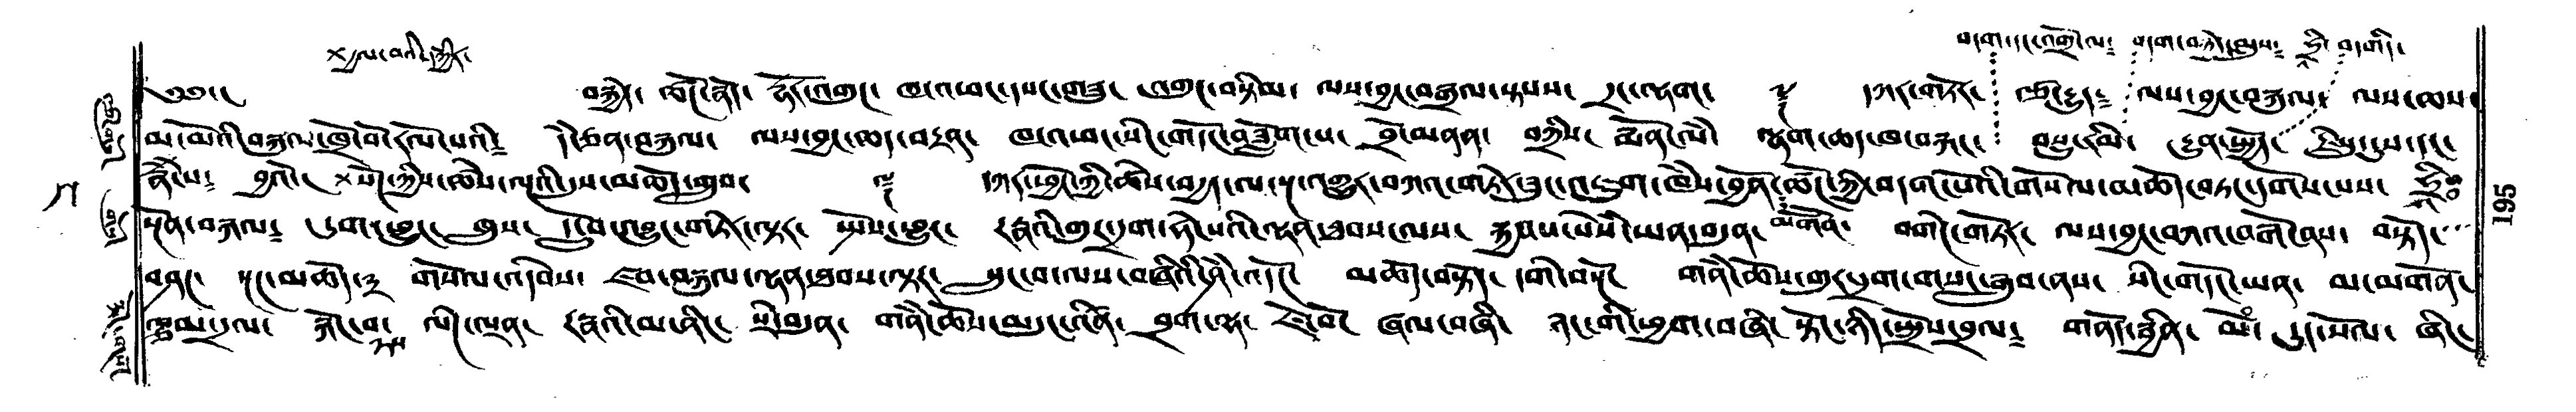བསྐྱེད། ཚོགས་སྣོད། གཏོར་འགུགས། ཁ་འཕང་དཔང་གཟུ། འགུགས་སྟིམ། ལས་བྱང་བསྒྲལ་སྟབ། དྲང་ལྷག དཀར་གཏོར། རྩ་རྒྱུད༴ ལས་བྱང་བསྐུལ། ལས་ཆས་
མ་མོའི་བསྐུལ། ཁྲོ་བོར་རོལ་པའི༴ དམ་ཅན་བསྐུལ། ལས་བྱང་ཆད་བརྟན། ཁ་འཕང་སེང་གདོང་ཟློག་པ། བྲོ་མནན། བཀྲ་ཤིས། སྨོན་ལམ། ལྷག་ཆད་ཁ་སྐོང་། བདག་དང་འགྲོ་ལ༴ བསྡུ་རིམ། བདག་བསྐྱེད་མ་ལུས༴ རྒྱུན་སྤྱོད། ཧྲཱིཿབདག་ཉིད༴ རྗེས་སུ་དུས་དང་
རྣམ་པ༴ དང་། རྒྱལ་བའི་དཀྱིལ་འཁོར༴ སོགས་ཀྱིས་ཚེས་ལྔའི་དུས་མཆོད་གྲུབ། ༈ དཀར་ཕྱོགས་ཀྱི་ཚེས་བརྒྱད་ལ་སྔ་འགྱུར་བཀའ་གཏེར་ཟུང་འཇུག་ཁམས་བྱོན་མགོན་པོ་ཚོགས་ཀྱི་བདག་པོའི་གསོལ་མཆོད་གཏོང་དགོས་པས། ཧྲཱིཿ 
སྔོན་བསྐལ༴ དུག་ཕྱུང་། ཁྲུས། དངོས་གྲུབ་འབྱུང་གཏེར་ལྟར། སྤོས་ཕྱུང་། རཏྣའི་གུར་དྲག་ཧེ་པའི་ལྷན་ཐབས་ལས། སྐྱབས་སེམས་ཡན་བདུན། བགེགས་གཏོར། ལས་བྱང་བཀའ་བསྒོ་ནས། བསྟོད་
བཤགས། སྔགས་མཆོད་གསུམ། གསོལ་འདེབས། ཛབ་སྐུལ། ལྷན་ཐབས་ལྟར། སྲུང་བ་ལས་བཞིའི་གཤམ་འདོགས། མཆོད་བསྟོད། དགེ་བསྔོ། གནམ་ཆོས་གུར་དྲག་གསང་སྒྲུབ་ནས། སེང་གདོང་ཡན། མ་མགོན་
ལྕམ་དྲལ། སྐོང་བ་ཉེར་ལྔ། ལེགས་ལྡན། རཏྣའི་མ་ནིང་། སྡེ་བདུན། གནམ་ཆོས་མདུང་འཛིན། བྲག་ལྷ། ཇོ་བོ། ཞལ་བཞི། ཉང་གི་ཕྱག་བཞི།སྟོང་ཉིད་སྤྲོས་བྲལ༴ གནོད་སྦྱིན། མ་མོ། དུད་སོལ། ཞིང་